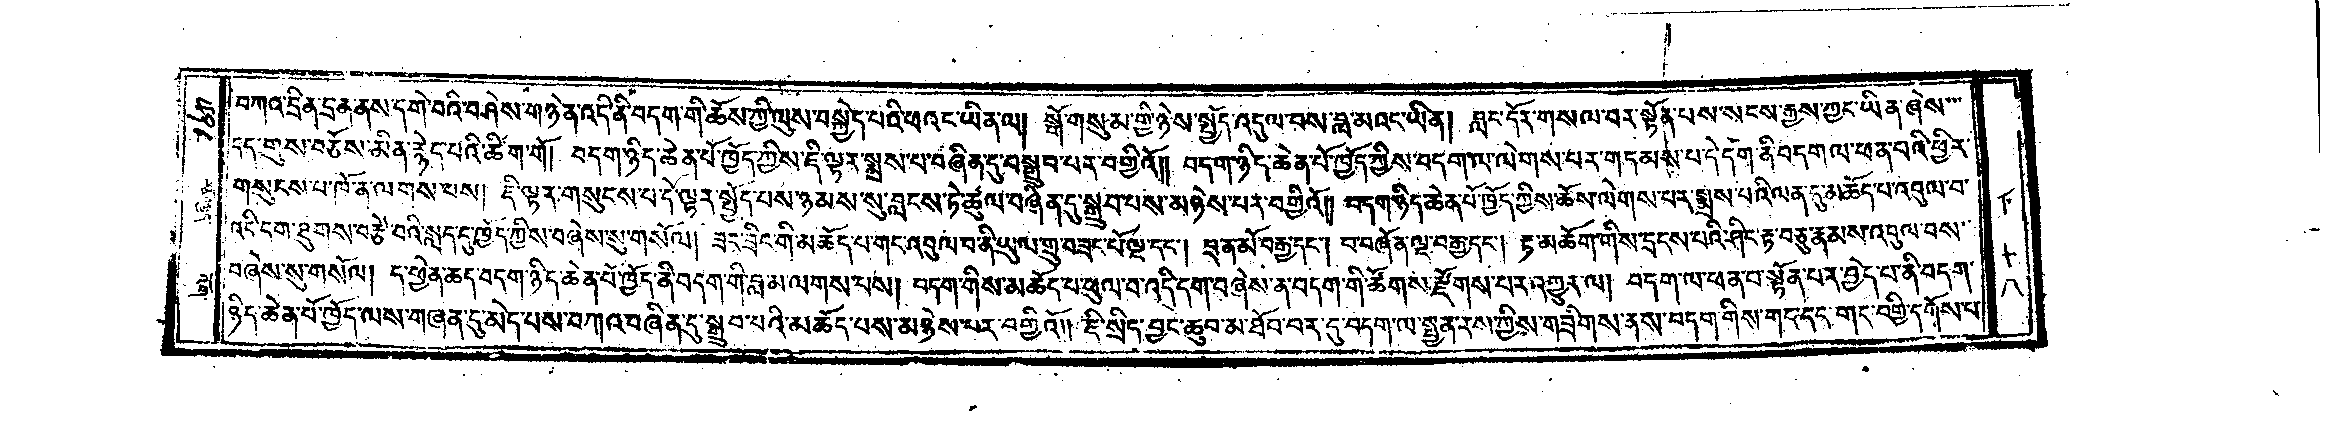བཀའ་དྲིན་དྲན་ནས་དགེ་བའི་བཤེས་གཉེན་འདི་ནི་བདག་གི་ཆོས་ཀྱི་ལུས་བསྐྱེད་པའི་ཕའང་ཡིན་ལ། སྒོ་གསུམ་གྱི་ཉེས་སྤྱོད་འདུལ་བས་བླ་མའང་ཡིན། བླང་དོར་གསལ་བར་སྟོན་པས་སངས་རྒྱས་ཀྱང་ཡིན་ཞེས་
དད་གུས་བཅོས་མིན་རྙེད་པའི་ཚིག་གོ། བདག་ཉིད་ཆེན་པོ་ཁྱོད་ཀྱིས་ཇི་ལྟར་སྨྲས་པ་བཞིན་དུ་བསྒྲུབ་པར་བགྱིའོ།། བདག་ཉིད་ཆེན་པོ་ཁྱོད་ཀྱིས་བདག་ལ་ལེགས་པར་གདམས་པ་དེ་དག་ནི་བདག་ལ་ཕན་པའི་ཕྱིར་
གསུངས་པ་ཁོ་ན་ལགས་པས། ཇི་ལྟར་གསུངས་པ་དེ་ལྟར་སྤྱོད་པས་ཉམས་སུ་བླངས་ཏེ་ཚུལ་བཞིན་དུ་སྒྲུབ་པས་མཉེས་པར་བགྱིའོ།། བདག་ཉིད་ཆེན་པོ་ཁྱོད་ཀྱིས་ཆོས་ལེགས་པར་སྨྲས་པའི་ལན་དུ་མཆོད་པ་འབུལ་བ་
འདི་དག་ཐུགས་བརྩེ་བའི་སླད་དུ་ཁྱོད་ཀྱིས་བཞེས་སུ་གསོལ། ཟང་ཟིང་གི་མཆོད་པ་གང་འབུལ་བ་ནི་ཡུལ་གྲུ་བཟང་པོ་ལྔ་དང་། བྲན་མོ་བརྒྱ་དང་། བ་བཞོན་ལྔ་བརྒྱ་དང་། རྟ་མཆོག་གིས་དྲངས་པའི་ཤིང་རྟ་བཅུ་རྣམས་འབུལ་བས་
བཞེས་སུ་གསོལ། ད་ཕྱིན་ཆད་བདག་ཉིད་ཆེན་པོ་ཁྱོད་ནི་བདག་གི་བླ་མ་ལགས་པས། བདག་གིས་མཆོད་པ་ཕུལ་བ་འདི་དག་བཞེས་ན་བདག་གི་ཚོགས་རྫོགས་པར་འགྱུར་ལ། བདག་ལ་ཕན་པ་སྟོན་པར་བྱེད་པ་ནི་བདག་
ཉིད་ཆེན་པོ་ཁྱོད་ལས་གཞན་དུ་མེད་པས་བཀའ་བཞིན་དུ་སྒྲུབ་པའི་མཆོད་པས་མཉེས་པར་བགྱིའོ།། ཇི་སྲིད་བྱང་ཆུབ་མ་ཐོབ་བར་དུ་བདག་ལ་སྤྱན་རས་ཀྱིས་གཟིགས་ནས་བདག་གིས་གང་དང་གང་བགྱི་དགོས་པ་